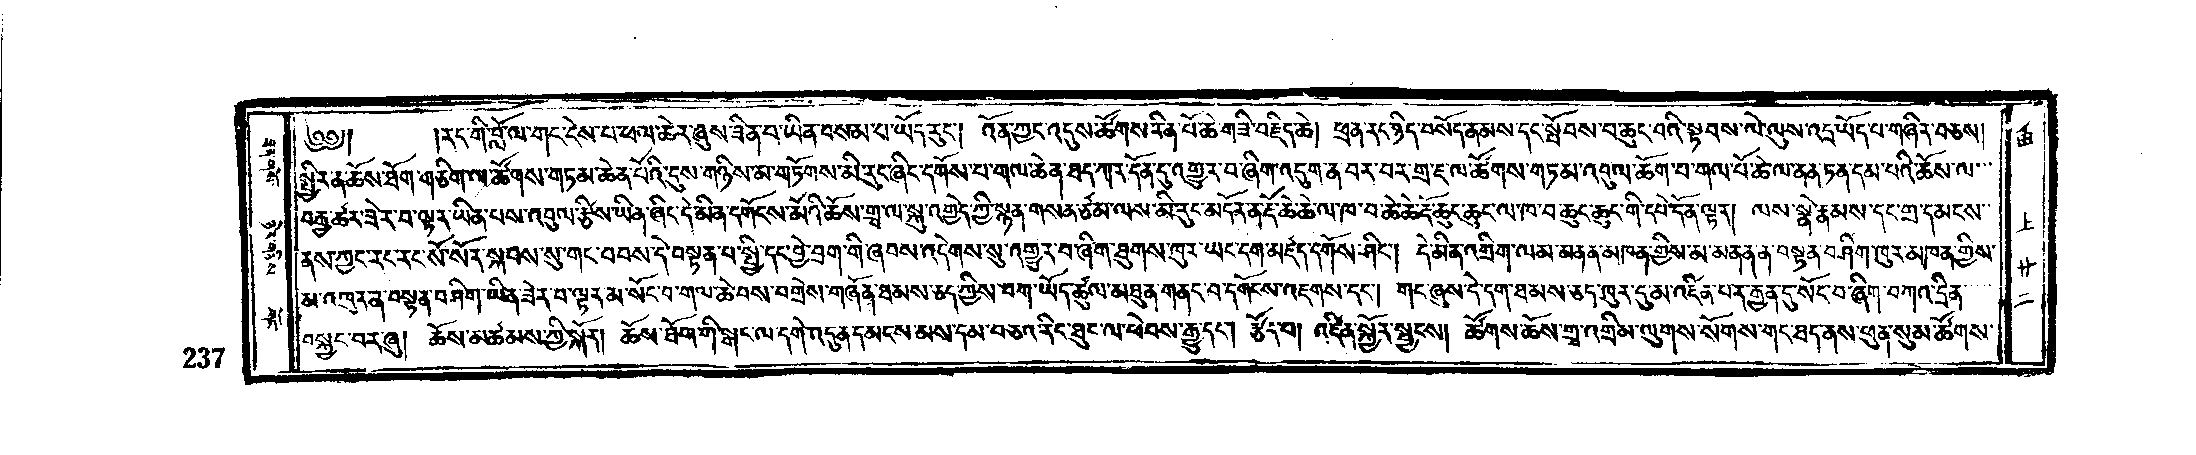༄༅། །རང་གི་བློ་ལ་གང་ངེས་པ་ཕལ་ཆེར་ཞུས་ཟིན་པ་ཡིན་བསམ་པ་ཡོད་རུང་། འོན་ཀྱང་འདུས་ཚོགས་རིན་པོ་ཆེ་གཟི་བརྗིད་ཆེ། ཕྲན་རང་ཉིད་བསོད་ནམས་དང་སྤོབས་བ་ཆུང་བའི་སྟབས་ལེ་ལུས་འདྲ་ཡོད་པ་གཞིར་བཅས།
སྤྱིར་ན་ཆོས་ཐོག་གཅིག་ལ་ཚོགས་གཏམ་ཆེན་པོའི་དུས་གཉིས་མ་གཏོགས་མི་རུང་ཞིང་དགོས་པ་གལ་ཆེན་ཐད་ཀར་དོན་དུ་འགྱུར་བ་ཞིག་འདུག་ན་བར་བར་གྲ་ཇ་ལ་ཚོགས་གཏམ་འབུལ་ཆོག་པ་གལ་པོ་ཆེ་ལ་ནན་ཏན་དམ་པའི་ཆོས་ལ་
བརྒྱ་ཚར་ཟེར་བ་ལྟར་ཡིན་པས་འབུལ་རྩིས་ཡིན་ཞིང་དེ་མིན་དགོངས་མོའི་ཆོས་གྲྭ་ལ་སྐུ་འགྱེད་ཀྱི་སྙན་གསན་ཙམ་ལས་མི་རུང་མདོར་ན་རྡོ་ཆེ་ཆེ་ལ་ཁ་བ་ཆེ་ཆེ་རྡོ་ཆུང་ཆུང་ལ་ཁ་བ་ཆུང་ཆུང་གི་དཔེ་དོན་ལྟར། ལས་སྣེ་རྣམས་དང་གྲ་དམངས་
ནས་ཀྱང་རང་རང་སོ་སོར་སྐབས་སུ་གང་བབས་དེ་བསྟན་པ་སྤྱི་དང་བྱེ་བྲག་གི་ཞབས་འདེགས་སུ་འགྱུར་བ་ཞིག་ཐུགས་ཁུར་ཡང་དག་མཛད་དགོས་ཤིང་། དེ་མིན་འགྲིག་ལམ་མནན་མཁན་གྱིས་མ་མནན་ན་བསྟན་བཤིག་ཁུར་མཁན་གྱིས་
མ་འཁུར་ན་བསྟན་བཤིག་ཡིན་ཟེར་བ་ལྟར་མ་སོང་བ་གལ་ཆེ་བས་བགྲེས་གཞོན་ཐམས་ཅད་ཀྱིས་བག་ཡོད་ཚུལ་མཐུན་གནང་བ་དགོངས་འཇགས་དང་། གང་ཞུས་དེ་དག་ཐམས་ཅད་ཁུར་དུ་མ་འཛིན་པར་རྒྱན་དུ་སོང་བ་ཞིག་བཀའ་དྲིན་
བསྐྱང་བར་ཞུ། ཆོས་མཚམས་ཀྱི་སྐོར། ཆོས་ཐོག་གི་སྒང་ལ་དགེ་འདུན་དམངས་མས་དམ་བཅའ་རིང་ཐུང་ལ་ཕེབས་རྒྱུ་དང་། རྩོད་པ། འཛིན་སྐྱོར་སྦྱངས། ཚོགས་ཆོས་གྲྭ་འགྲིམ་ལུགས་སོགས་གང་ཐད་ནས་ཕུན་སུམ་ཚོགས་